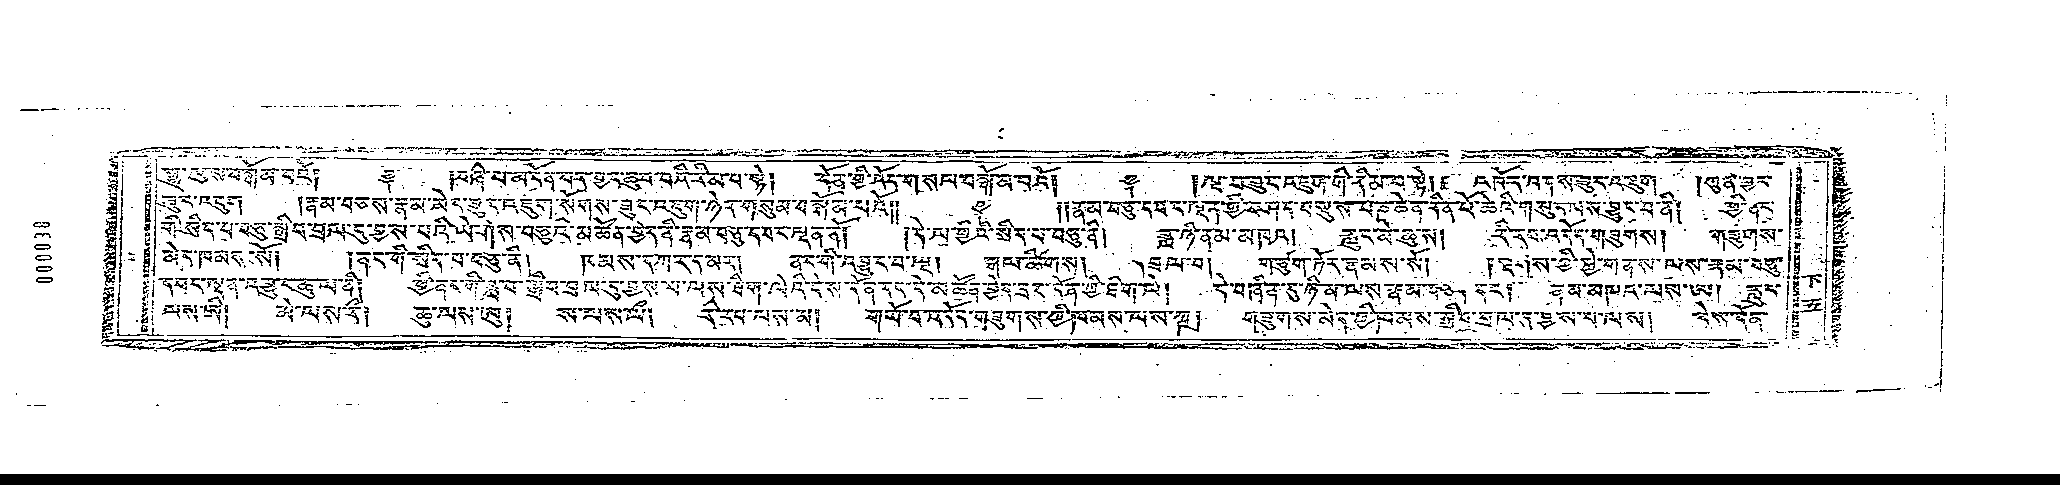སྒྱུ་ལུས་བསྒོམ་པའོ། ༈ །བཞི་པ་མངོན་བར་བྱང་ཆུབ་བའི་རིམ་པ་སྟེ། དོན་གྱི་འོད་གསལ་བསྒོམ་པའོ། ༈ །ལྔ་པ་བྲུང་འཇུག་གི་རིམ་པ་སྟེ། འཁོར་འདས་ཟུང་འཇུག །ཀུན་བྱང་
ཟུང་འཇུག །རྣམ་བཅས་རྣམ་མེད་ཟུང་འཇུག་སོགས་ཟུང་འཇུག་ཉེར་གསུམ་བསྒོམ་པའོ།། ༈ །།རྣམ་བཅུ་དབང་ལྡན་གྱི་བཤད་བསྡུས་པཎ་ཆེན་རིན་པོ་ཆེའི་གསུང་ལས་བྱུང་བ་ནི། ཕྱི་ནང་
གི་སྲིང་པ་བཅུ་སྒྲིབ་བྲལ་དུ་བྱས་པའི་ཡེ་ཤེས་བཅུའི་མཚོན་བྱེད་ནི་རྣམ་བཅུ་དབང་ལྡན་ནོ། །དེ་ལ་ཕྱིའི་སྲིད་པ་བཅུ་ནི། །ཟླ་ཉི་ནམ་མཁའ། རླུང་མེ་ཆུས། རི་རབ་འདོད་གཟུགས། གཟུགས་
མེད་ཁམས་སོ། །ནང་གི་སྲིད་པ་བཅུ་ནི། ཁམས་དཀར་དམར། ནང་གི་འབྱུང་བ་ལྔ། སྒལ་ཚིགས། དཔྲལ་བ། གཙུག་ཏོར་རྣམས་སོ། །སྔགས་ཀྱི་སྐྱེ་གནས་ལས་རྣམ་བཅུ་
དབང་ལྡན་འབྱུང་ཚུལ་ནི། ཕྱི་ནང་གི་ཟླ་བ་སྒྲིབ་བྲལ་དུ་བྱས་པ་ལས་ཐིག་ལེའི་ངེས་དོན་དང་དེ་མཚོན་བྱེད་དྲང་དོན་གྱི་ཐིག་ལེ། དེ་བཞིན་དུ་ཉི་མ་ལས་རྣམ་བཅད་དང་། ནམ་མཁའ་ལས་ཨ། རླུང་
ལས་ཨེ། མེ་ལས་རཾ། ཆུ་ལས་ཨུ། ས་ལས་ལཾ། རི་རབ་ལས་མ། གཡོ་བ་འདོད་གཟུགས་ཀྱི་ཁམས་ལས་ཀྵ། གཟུགས་མེད་ཀྱི་ཁམས་སྒྲིབ་བྲལ་དུ་བྱས་པ་ལས། དེས་དོན་